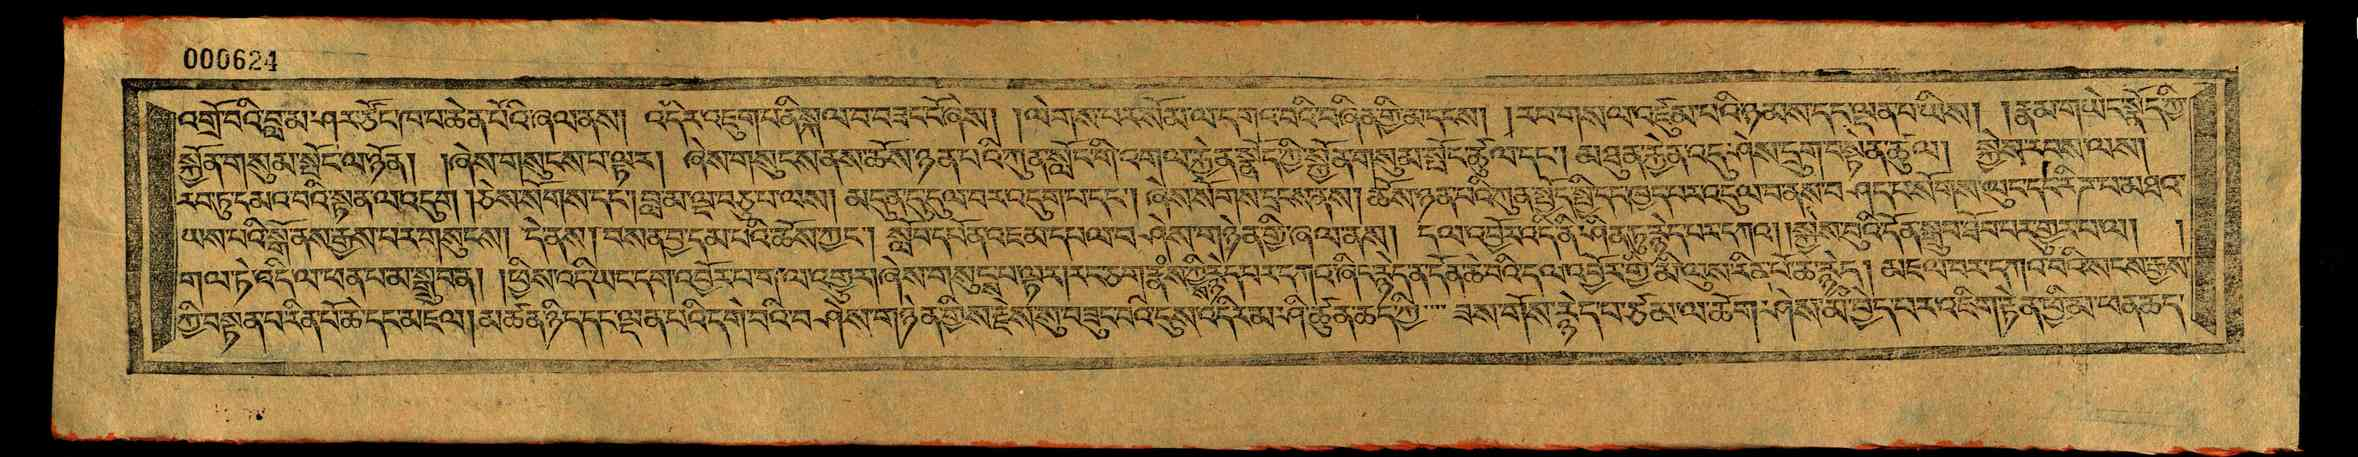འགྲོ་བའི་བླ་མ་ཤར་ཙོང་ཁ་པ་ཆེན་པོའི་ཞལ་ནས། འདིར་འཇུག་པ་ནི་སྐལ་བ་བཟང་ངོ་ཞེས། །ལེགས་པར་སོམ་ལ་དགའ་བའི་བཞིན་གྱི་མདངས། །རབ་གསལ་འཛུམ་པའི་ཉམས་དང་ལྡན་པ་ཡིས། །རྣམ་གཡེང་སྣོད་ཀྱི་
སྐྱོན་གསུམ་སྤོང་ལ་ཉོན། །ཞེས་གསུངས་པ་ལྟར། ཞེས་གསུངས་ནས་ཆོས་ཉན་པའི་ཀུན་སློང་གི་འགལ་རྐྱེན་སྣོད་ཀྱི་སྐྱོན་གསུམ་སྤོང་ཚུལ་དང་། མཐུན་རྐྱེན་འདུ་ཤེས་དྲུག་བསྟེན་ཚུལ། སྐྱེས་རབས་ལས།
རབ་ཏུ་དམའ་བའི་སྟན་ལ་འདུག །ཅེས་སོགས་དང་། བླ་མ་ལྔ་བཅུ་པ་ལས། མདུན་དུ་དུལ་བར་འདུག་པ་དང་། ཞེས་སོགས་དྲངས་ནས། ཆོས་ཉན་པའི་ཀུན་སྤྱོད་སྤྱི་དང་ཁྱད་པར་འདུལ་བ་ནས་བཤད་པ་སོགས་ལུང་དང་རིགས་པ་མཐའ་
ཡས་པའི་སྒོ་ནས་རྒྱས་པར་གསུངས་།དེ་ནས། བསན་བྱ་དམ་པའི་ཆོས་ཀྱང་།སློབ་དཔོན་འཇམ་དཔལ་བཤེས་གཉེན་གྱི་ཞལ་ནས། དལ་འབྱོར་འདི་ནི་ཤིན་ཏུ་རྙེད་པར་དཀའ། །སྐྱེས་བུའི་དོན་སྒྲུབ་ཐོབ་པར་གྱུར་པ་ལ།
གལ་ཏེ་འདི་ལ་ཕན་པ་མ་སྒྲུབ་ན། །ཕྱིས་འདི་ཡང་དག་འབྱོར་པ་ག་ལ་འགྱུར་།ཞེས་གསུངས་པ་ལྟར། རང་ཅག་རྣམས་ཀྱིས་རྙེད་པར་དཀའ་ཞིང་རྙེད་ན་དོན་ཆེ་བའི་དལ་འབྱོར་གྱི་མི་ལུས་རིན་པོ་ཆེ་རྙེད། མཇལ་བར་དཀའ་བའི་སངས་རྒྱས་
ཀྱི་བསྟན་པ་རིན་པོ་ཆེ་དང་མཇལ། མཚན་ཉིད་དང་ལྡན་པའི་དགེ་བའི་བཤེས་གཉེན་གྱིས་རྗེས་སུ་བཟུང་བའི་དུས་འདིར་མ་ཤི་ཚུན་ཆད་ཀྱི་ཟས་གོས་རྙེད་པ་ཙམ་ལ་ཆོག་ཤེས་མ་བྱེད་པར་འཇིག་རྟེན་ཕྱི་མ་ཕན་ཆད་